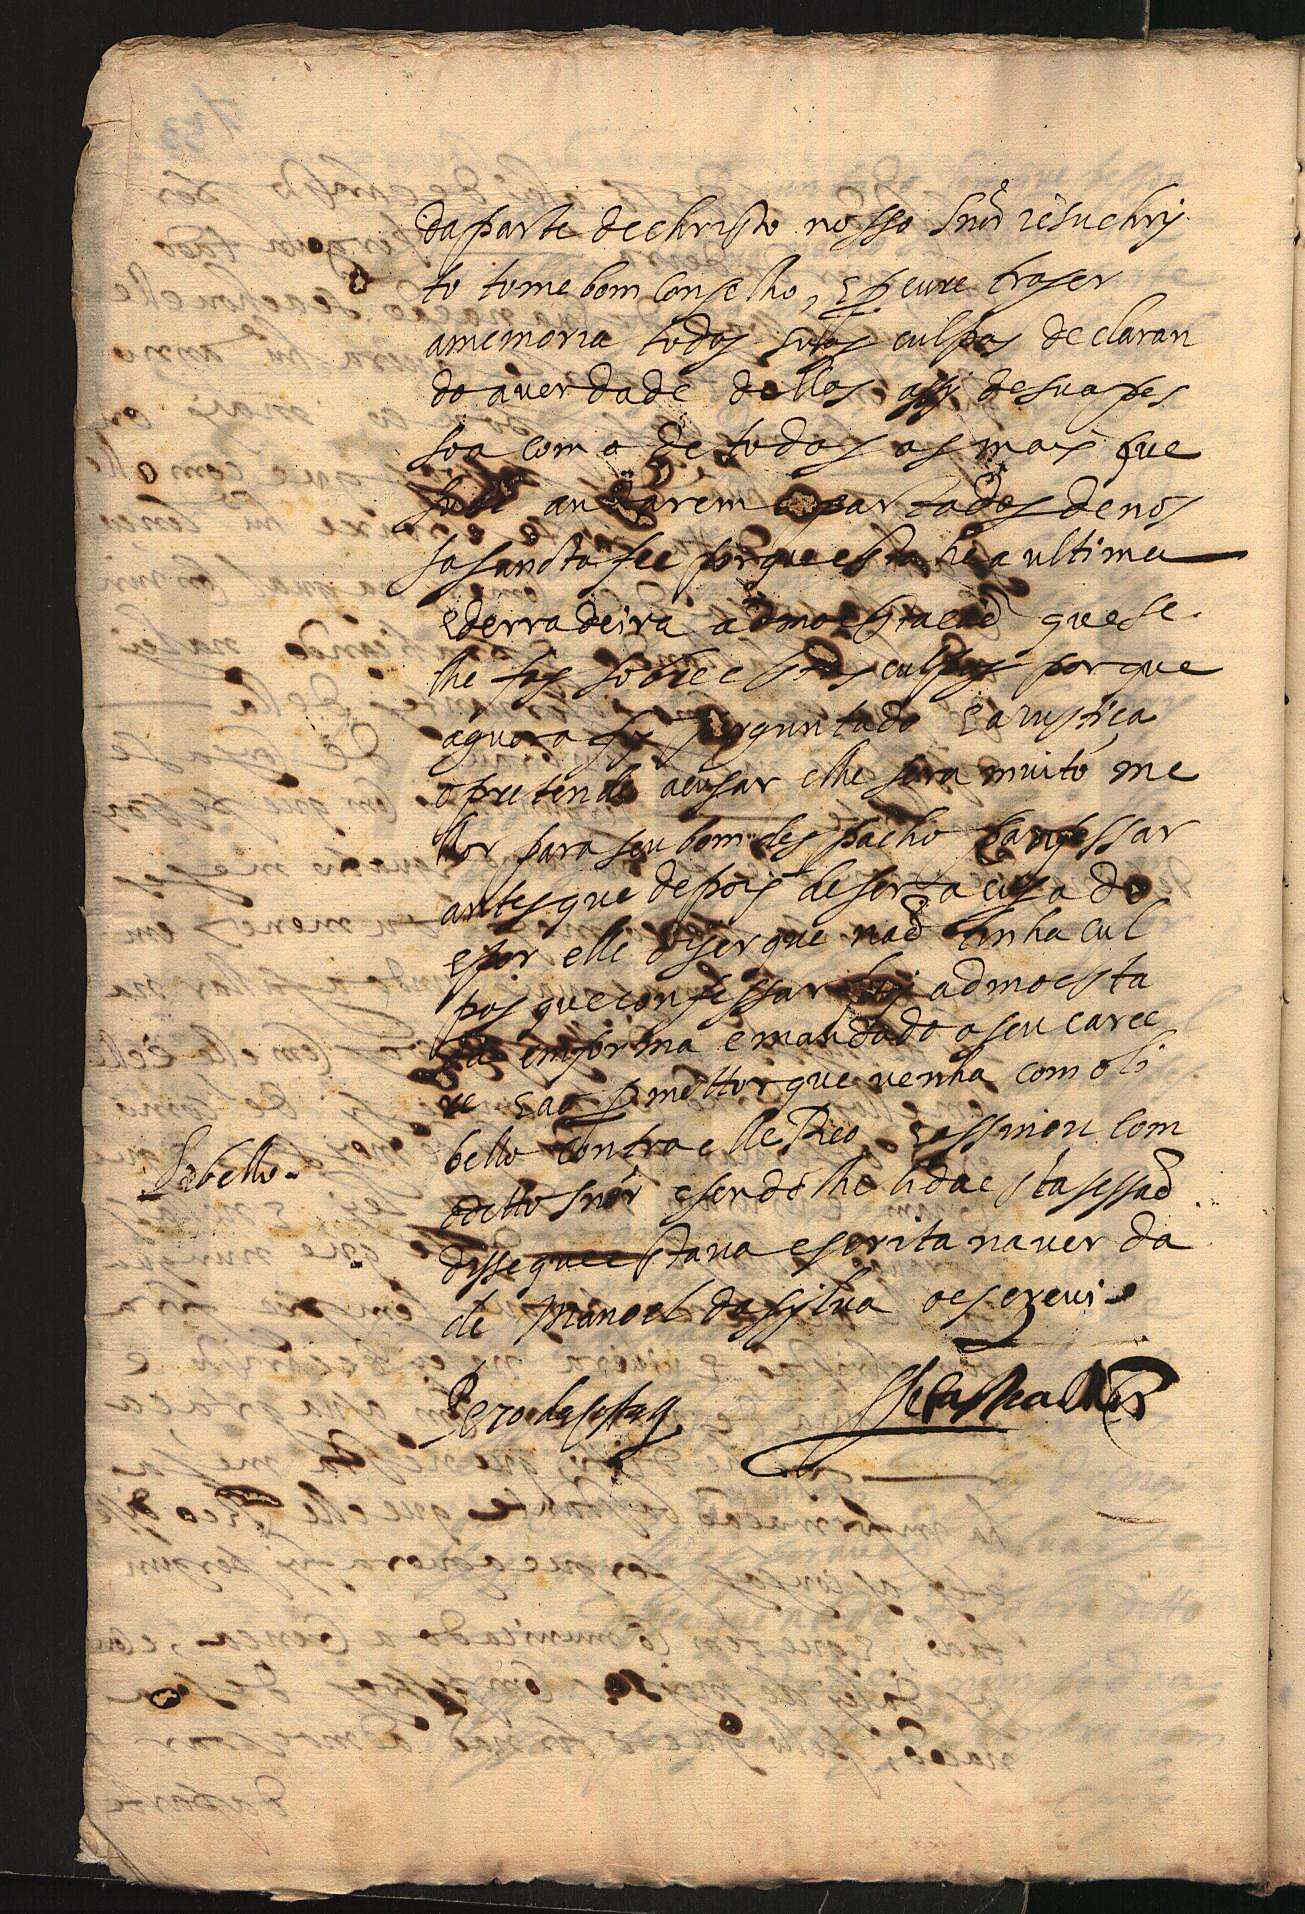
Libello
da parte de christo nosso Snor̄ iesu chris
to tome bom conselho, E ꝓcure traser
a memoria todas suas culpas declaran
do a uerdade dellas assy de sua pes
soa como de todas as mais que
sabe andarem apartadas de nos
sa sancta fee porque esta he a ultima
e derradeira admoestacaõ que se
lhe fas sobre estas culpas porque
aguora foy perguntado E a iustiça
o pretende acusar e lhe sera muito me
lhor para seu bom despacho Confessar
antes que depois de ser acusado
E por elle diser que naõ tinha cul
pas que confessar foj admoesta
da em forma e mandado a seu carce
re E ao ꝓmottor que uenha com o li
bello contra elle Reo E assinou com
o ditto snor̄ e sendolhe lida esta sessaõ
disse que estaua escrita na uerda
de manoel da sylua o escreui
